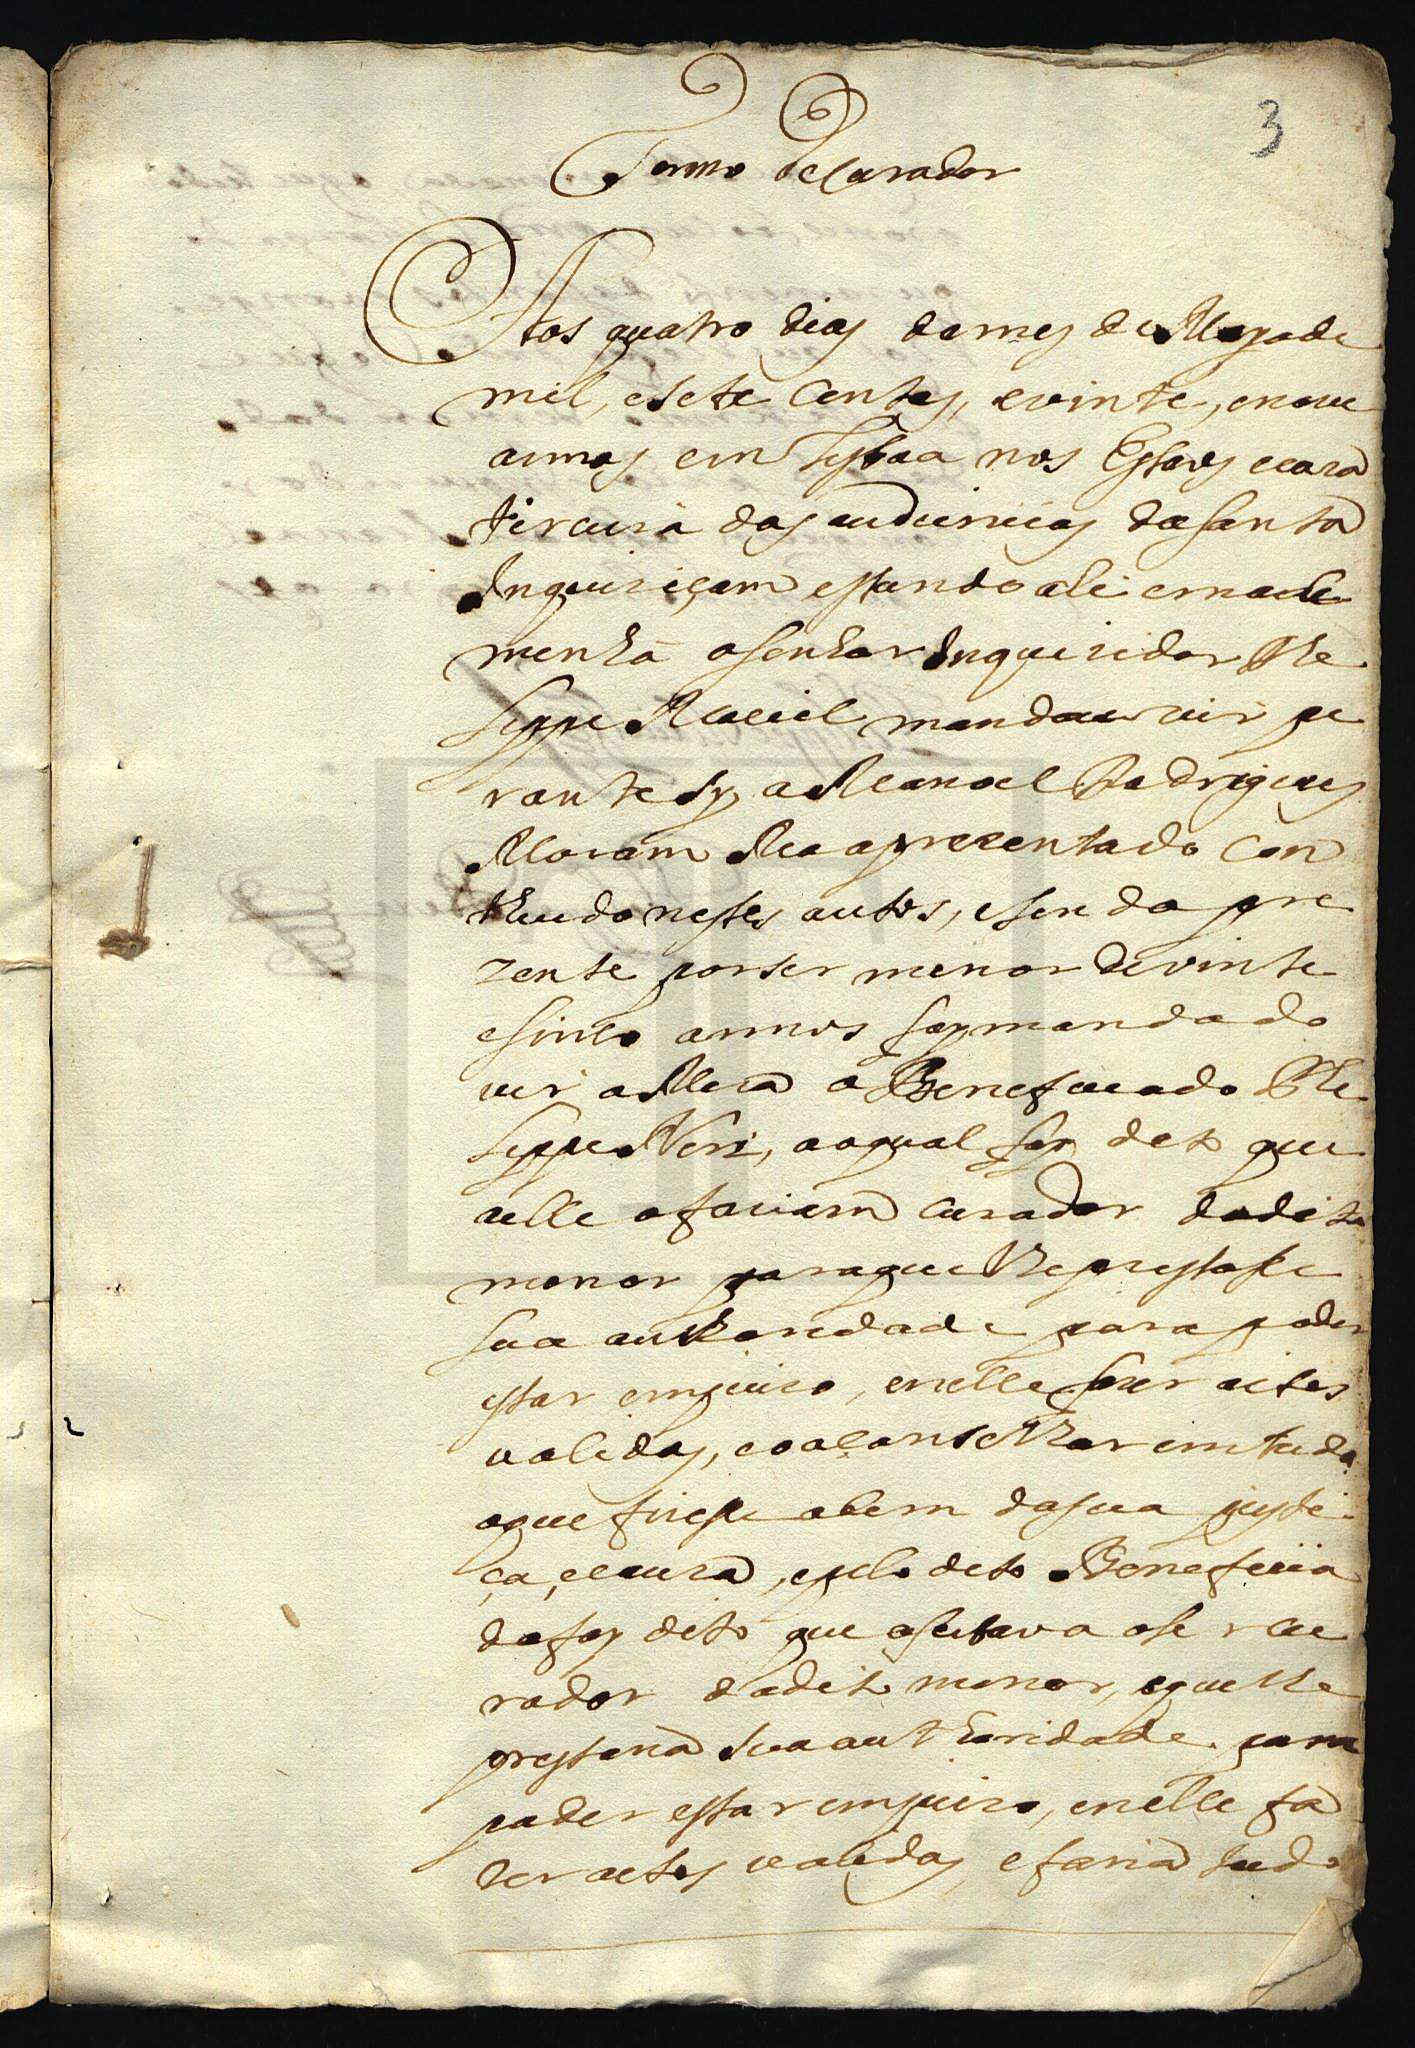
Termo de Curador
Aos quatro dias do mes de Mayo de
mil, e setecentos, e vinte, e nove
annos em Lisboa nos Estaos e caza
terceira das audiencias da santa
Inquiziçam estando ahi em a de
menhã o senhor Inquizidor Phe
lippe Maciel mandou vir pe
rante sy a Manoel Rodrigues
Moram Reo aprezentado con
theudo nestes autos, e sendo pre
zente por ser menor de vinte
e sinco annos foy mandado
vir a Meza o Beneficiado Phe
lippe Neri, ao qual foy dito que
a elle o faziam curador do dito
menor para que lhe prestasse
sua authoridade para poder
estar em juizo, e nelle fazer actos
ualidos, e o aconselhar em tudo
o que fizesse a bem da sua justi
ça, e cauza, e pelo dito Benefecia
do foy dito que aseitava o ser cu
rador do dito menor, e que lhe
prestaua sua authoridade, para
poder estar em juizo, e nelle fa
zer actos ualidos, e faria tudo
